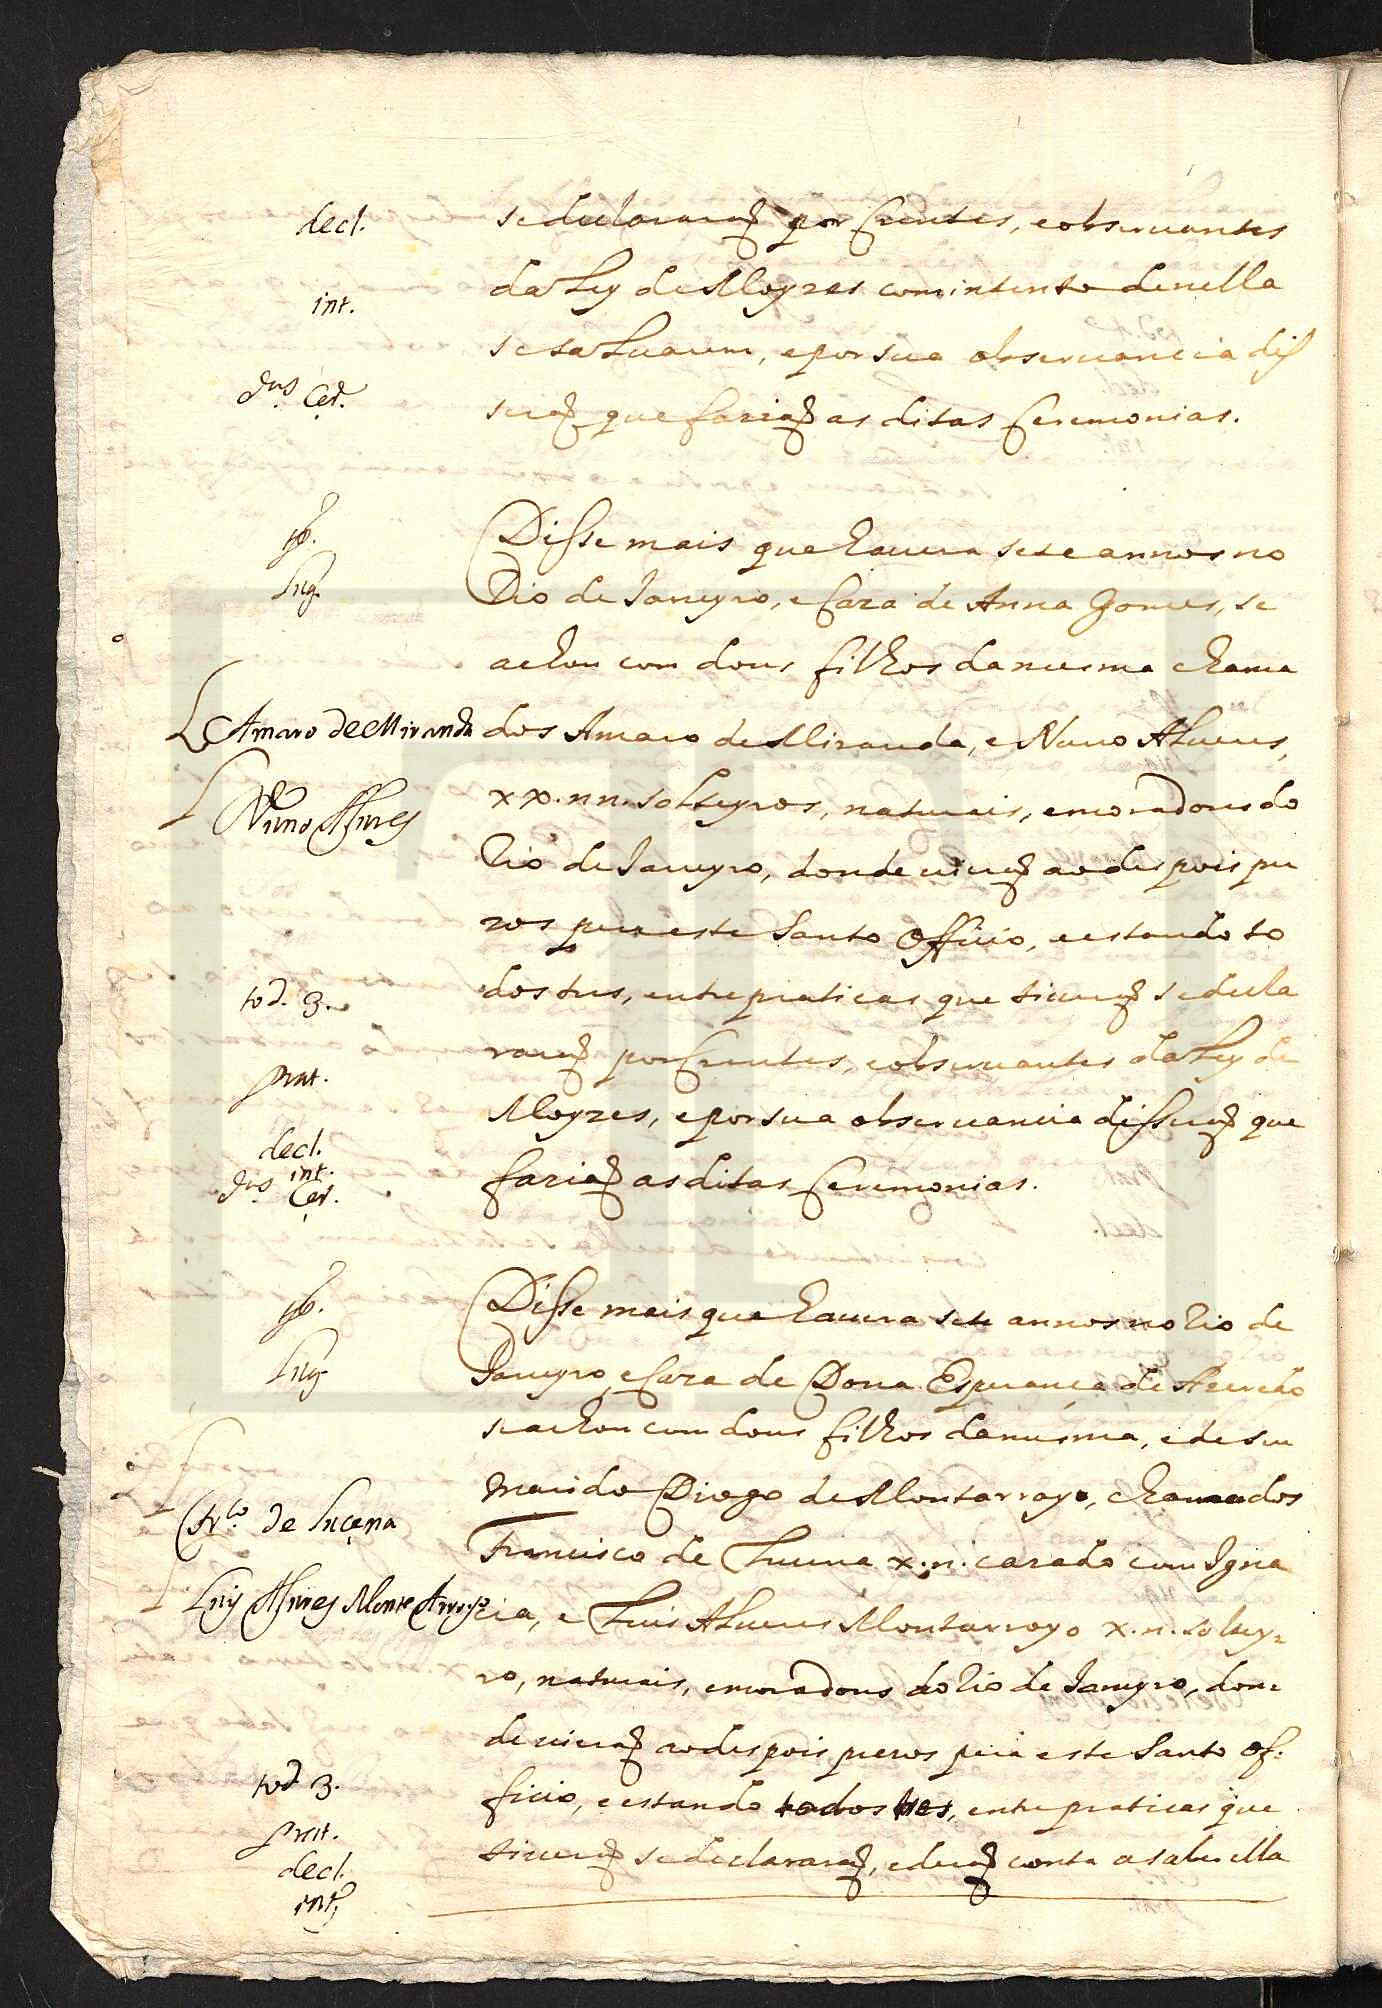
se declararaõ por Crentes, e obseruantes
decl.
da Ley de Moyzes com intento de nella
int.
se saluarem, e por sua obseruancia dis
d.as cer.
seraõ que faziaõ as ditas Ceremonias.
tpō.
Disse mais que hauera sete annos no
Lug.
Rio de Ianeyro, e Caza de Anna Gomes, se
achou com dous filhos da mesma chama
L Amaro de Miranda
dos Amaro de Miranda, e Nuno Alueres,
xx. nn. solteyros, naturais, e moradores do
Nuno Alures
Rio de Ianeyro, donde uiuaõ ao despois pre
zos pera este Santo officio, e estando to
dos tres, entre praticas que tiueraõ se decla
tod. 3.
raraõ por Crentes, e obseruantes da Ley de
prat.
Moyzes, e por sua obseruancia disseraõ que
decl.
int.
faziaõ as ditas Ceremonias.
d.as Cer.
Disse mais que hauera sete annos no Rio de
tpō.
Lug.
Ianeyro, e Caza de Dona Esperança de Azeuedo
se achou com dous filhos da mesma, e de seu
marido Diogo de Montarroyo, chamados
Fr.co de Lucena
Francisco de Lucena x. n. cazado com Igna
.L. Luis Alures Monte Arroyo
cia, e Luis Alueres Montarroyo x. n. soltey
ro, naturais, e moradores do Rio de Ianeyro, don
de uiuaõ ao despois prezos pera este Santo of
tod 3.
ficio, e estando todos tres, entre praticas que
prat.
tiuerõ se declararaõ, e deraõ conta a saber ella
decl.
int̄
